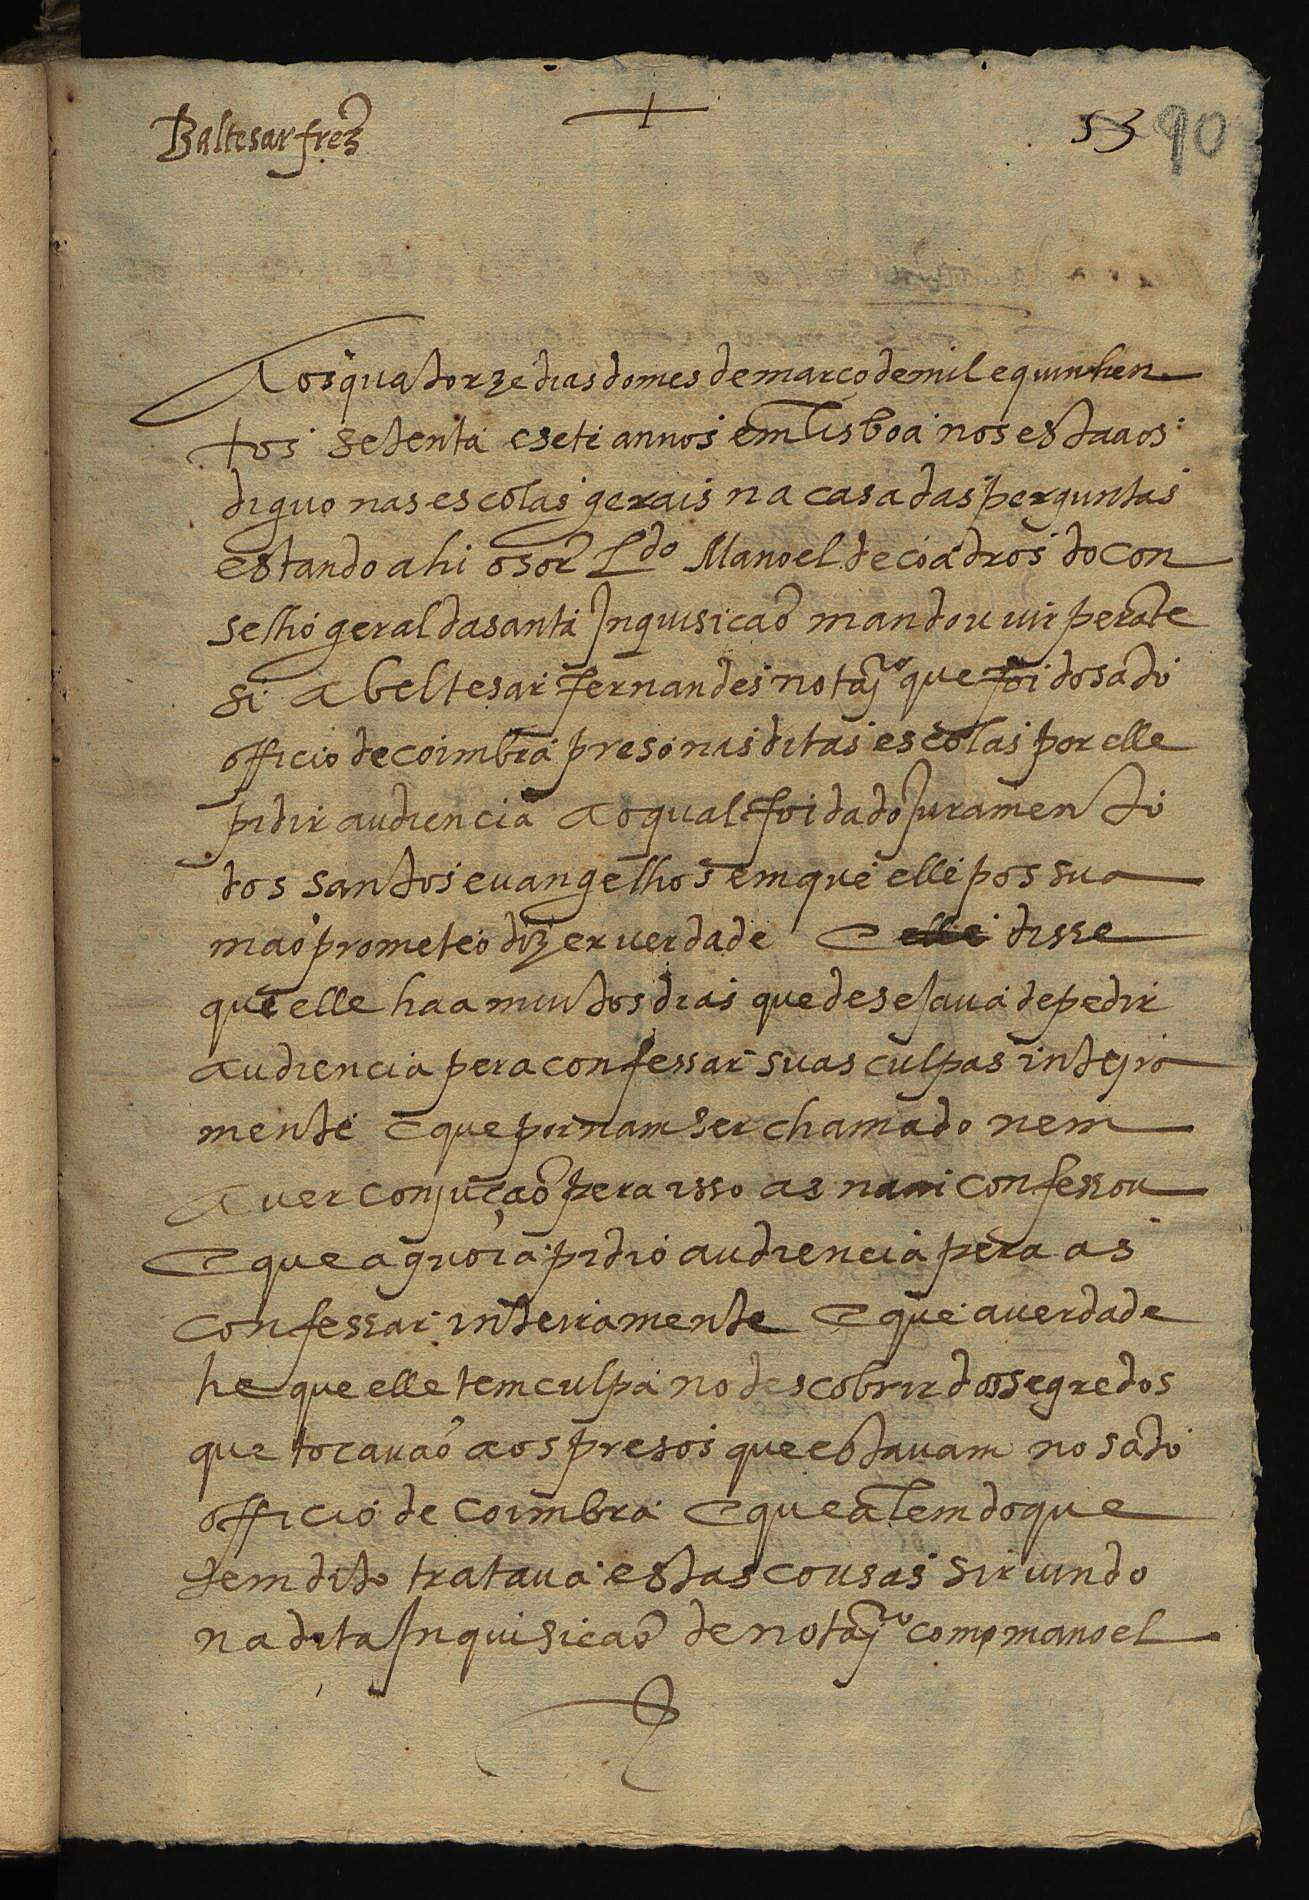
Baltesar frez̄
Aos quatorze dias do mes de março de mil e quinhen
tos setenta e sete annos em lisboa nos estaaos
diguo nas escolas gerais na casa das perguntas
estando ahi o sor̄ Ldo Manoel de coadros do con
selho geral da santa Jnquisiçaõ mandou uir perāte
si a beltesar fernandes notajro que foi do sāto
officio de coimbra preso nas ditas escolas por elle
pidir audiencia ao qual foi dado Juramento
dos santos euangelhos em que elle pos sua
maõ prometeo dizer uerdade e elle disse
que elle haa muitos dias que deseJaua de pedir
audiencia pera confessar suas culpas intejra
mente e que por nam ser chamado nem
auer conjuçaõ pera isso as nam confessou
e que aguora pidio audiencia pera as
confessar inteiramente e que a uerdade
he que elle tem culpa no descobrir dos segredos
que tocauaõ aos presos que estauam no sāto
officio de coimbra e que alem do que
tem dito trataua estas cousas siruindo
na dita Jnquisiçaõ de notajro como manoeL
